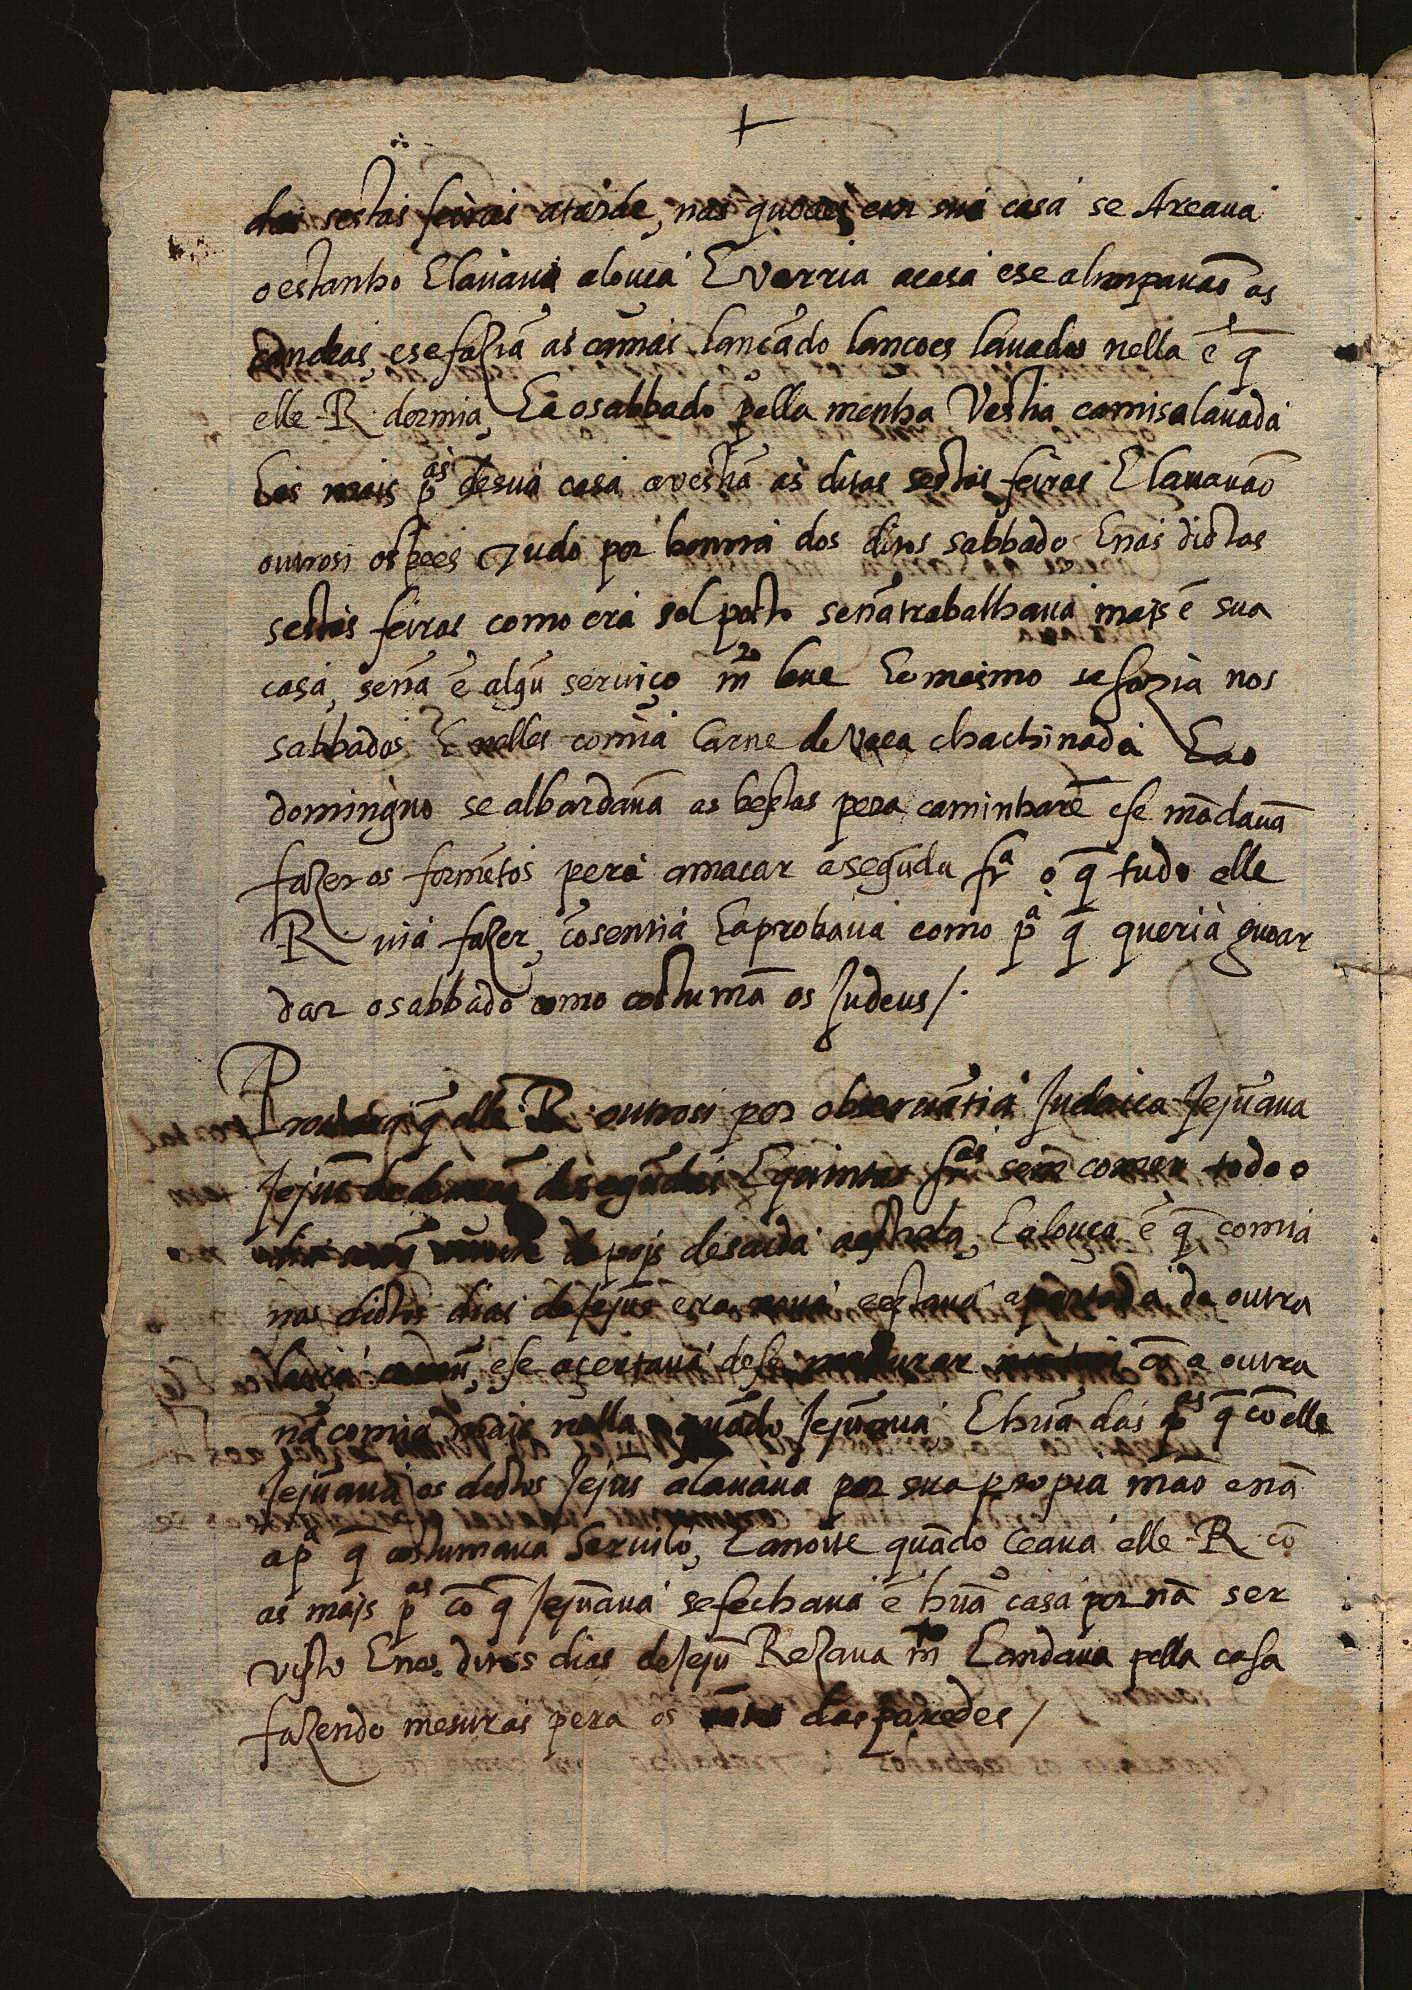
das sestas feiras a tarde, nas quoaes em sua casa se Areaua
o estanho E lauaua a louça E varria a casa e se alimpauão as
candeas, e se faziā as camas lançādo lançoes lauados nella ē q̄
elle R. dormia, E ao sabbado pella menha Vestia camisa lauada
E as mais pas de sua casa a vestiā as ditas sestas feiras E lauauaõ
outrosi os pees tudo por honrra dos ditos sabbados E nas dictas
sestas feiras como era sol posto se nā trabalhaua majs ē sua
casa, senā ē algū seruiço mto leue E o mesmo se fazia nos
sabbados E nelles comia Carne de vaca chachinada E ao
dominguo se albardauā as bestas pera caminharē e se mādauā
fazer os formētos pera amaçar a segūda fra o q̄ tudo elle
R uia fazer, cōsentia E aprobaua como pa q̄ queria guoar
dar o sabbado como costumā os Judeus /.
Prouara q̄ elle R. outrosi por obseruātia Judaica Jejūaua
Jejūs de _çaõ das segūdas E quintas fr.as sem comer todo o
dia _ noite depojs de saida a estrela, E a louça ē q̄ comia
nos dictos dias de Jejūs era noua e estaua apartada da outra
louça comū, e se açertaua de se mesturar _ cō a outra
nā comiā mais nella quādo Jejūaua, E huā das pas q̄ cō elle
Jejūaua os dictos Jejūs a lauaua por sua propia mão e nā
a pa q̄ costumaua seruilo, E a noite quādo ceaua elle R. cō
as majs pas cō q̄ Jejūaua se fechaua ē hūa casa por nā ser
visto E nos ditos dias de Jejū Rezaua mto E andaua pella casa
fazendo mesuras pera os cātos das paredes /
